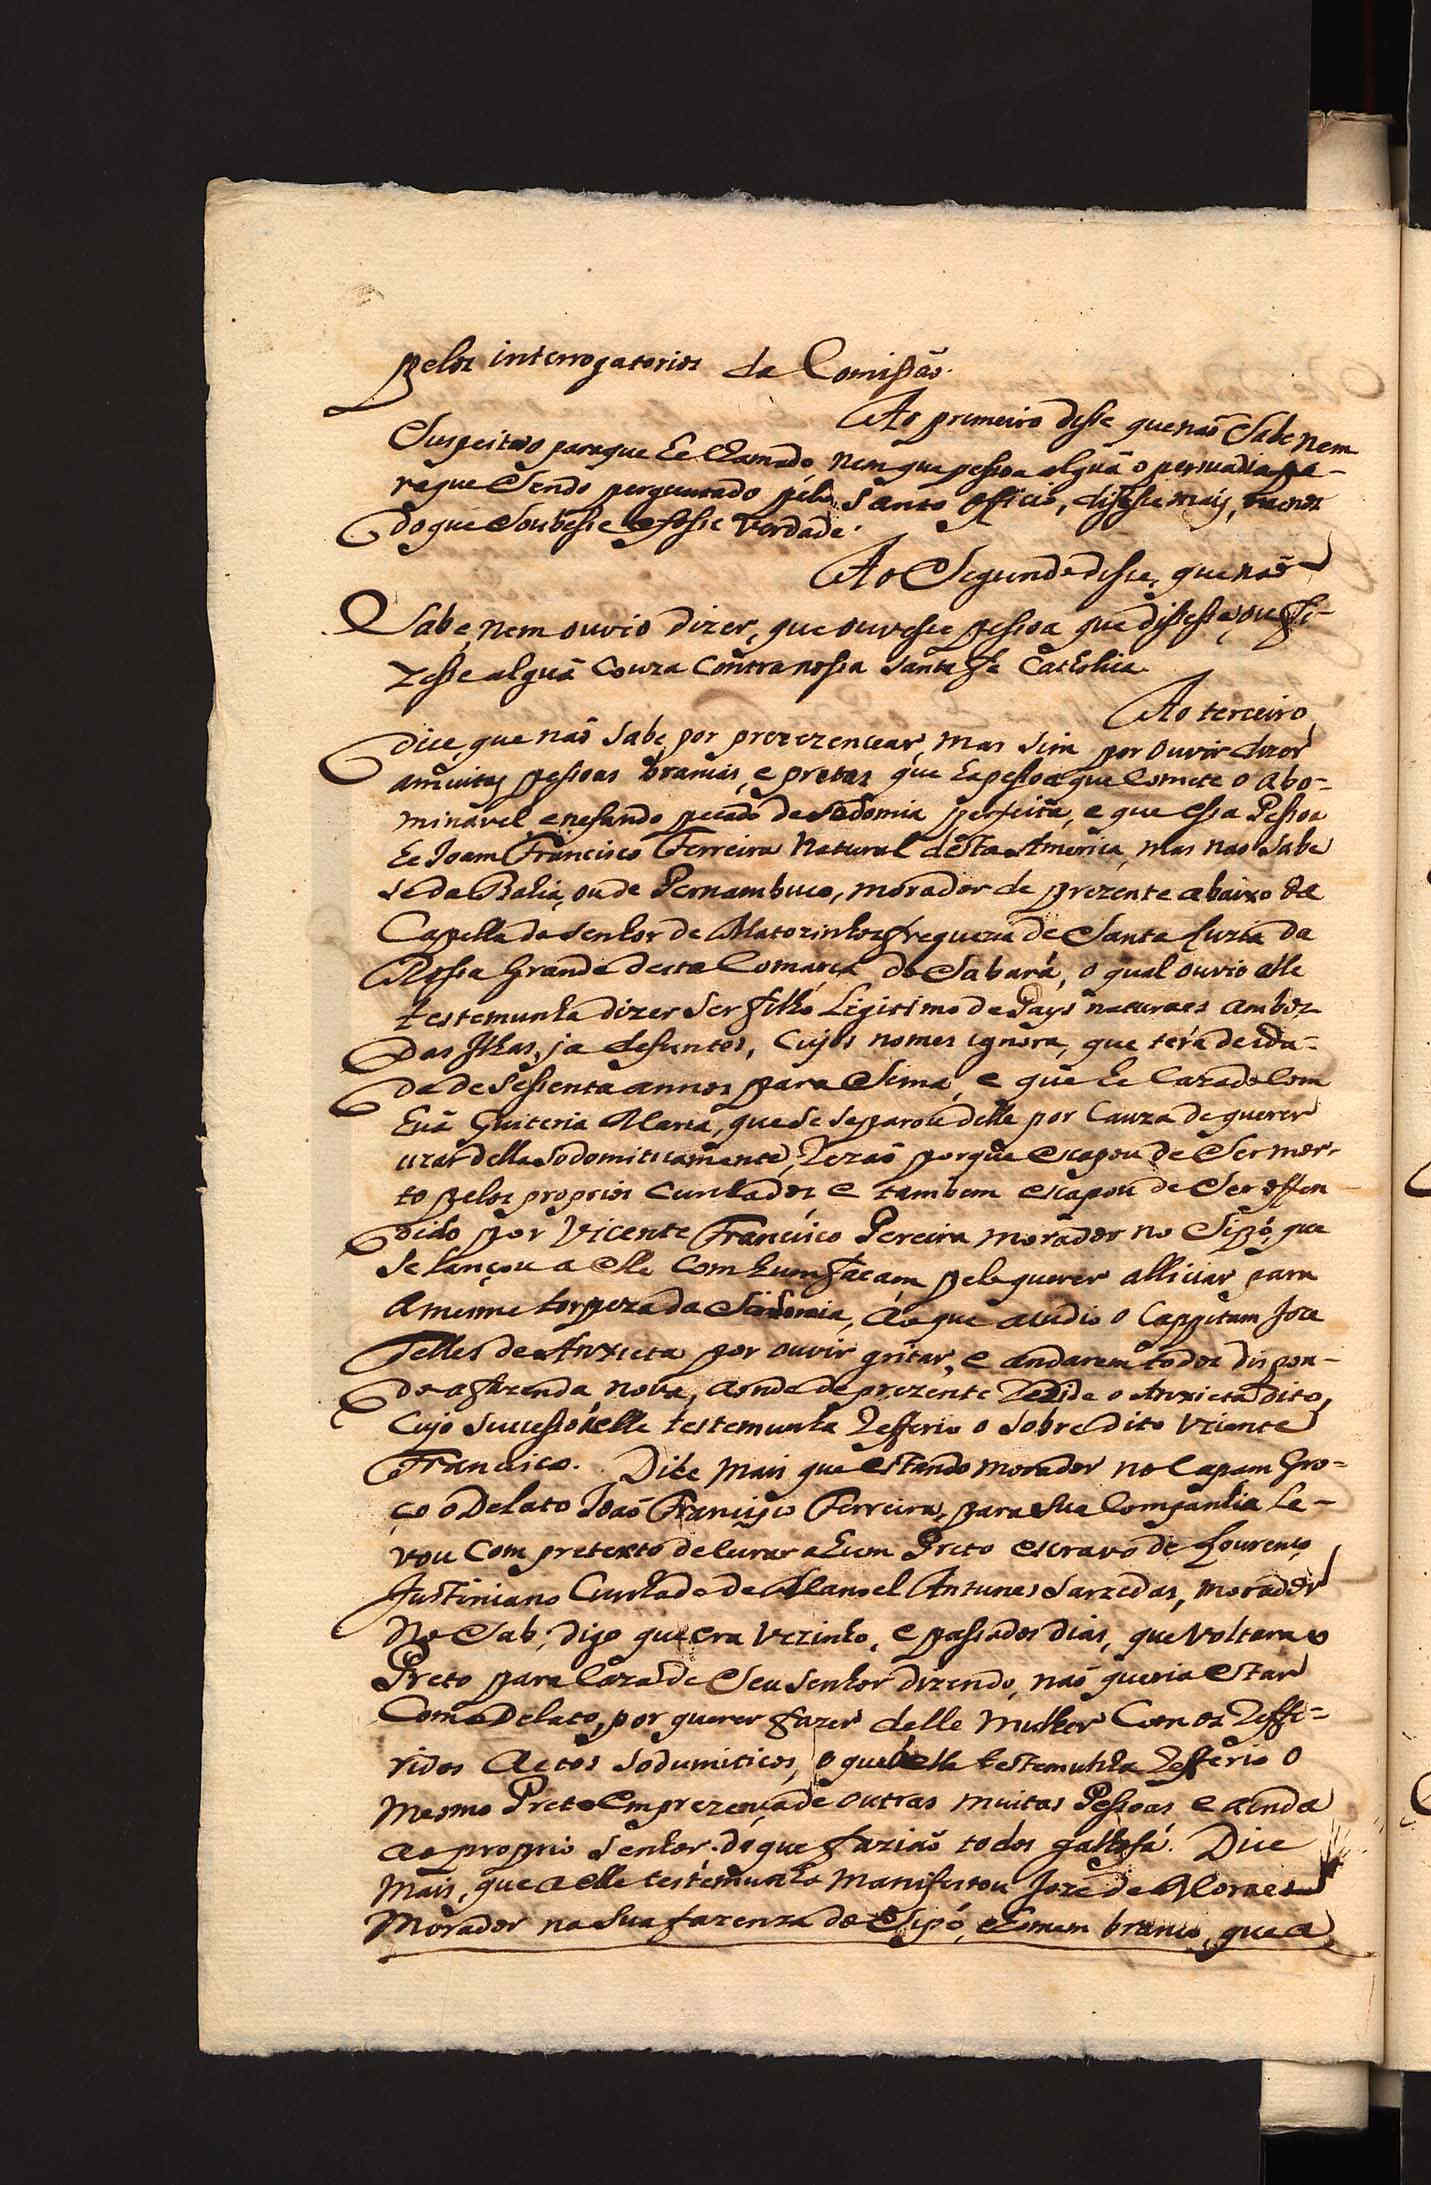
peloz interrogatorios da Comissão.
Ao primeiro disse que naõ Sabe nem
Suspeita o para que he chamado, nem que pessoa alguā o persuadia pa
ra que Sendo perguntado pelo Santo officio, disesse mais, menoz
do que Soubesse e fosse verdade.
Ao Segundo disse que naõ
Sabe, nem ouvio dizer, que ouvesse pessoa que dissesse, ou fi
Zesse alguā couza contra nossa santa fe catholica.
Ao terceiro
dice, que naõ sabe por prezezencear, mas sim por ouvir dizer
a muitas pessoas brancas, e pretas que ha pessoa que comete o abo
minavel, e nefando pecado de sodomia perfeita, e que esa Pessoa
he Ioam Francisco Ferreira natural desta America, mas naõ sabe
se da Bahia, ou de Pernambuco, morador de prezente abaixo da
Capella da Senhor de Matozinhoz freguezia de Santa Luzia da
Rossa Grande desta Comarca do Sabará, o qual ouvio elle
testemunha dizer ser filho Ligitimo de Pays naturaes amboz
Das Jlhas, ja defuntos, cujos nomes ignora, que terá de ida
da de sessenta annos para Sima, e que he Cazado com
huā Quiteria Maria, que se separou delle por cauza de querer
uzar della sodomiticamente, Rezaõ porque escapou de Ser mor
to pelos proprios cunhados, e tambem escapou de ser offen
dido por Vicente Francisco Pereira morador no Sipó, que
se lançou a elle com hum facam, pelo querer alliciar para
a mesma torpeza da Sodomia, Ao que acudio o Cappitam Joze
Telles de Anxieta por ouvir gritar, e andarem todos dispon
do a fazenda nova, aonde de prezente Rezide o Anxieta dito,
Cujo successo a elle testemunha Refferio o sobredito vicente
Francisco. Dice mais que estando morador no Capam Gro
ço o Delato Ioaõ Francisco Ferreira, para sua Companhia Le
vou com pretexto de curar a hum Preto escravo de Lourenço
Justiniano Cunhado de Manoel Antunes sarzedas, morador
no sab; digo que era vezinho, e passados dias, que voltara o
Preto para Caza de Seu senhor dizendo, naõ queria estar
Com o Delato, por querer fazer delle mulher Com os Reffe
ridos Actos sodumiticos, o que delle testemunha Refferio o
mesmo Preto Em prezença de outras muitas Pessoas e ainda
ao proprio Senhor; de que faziaõ todos galhofa. Dice
mais, que a elle testemunha manifestou Joze de Moraes
Morador na sua fazenza do Sipó, e homen branco, que a
